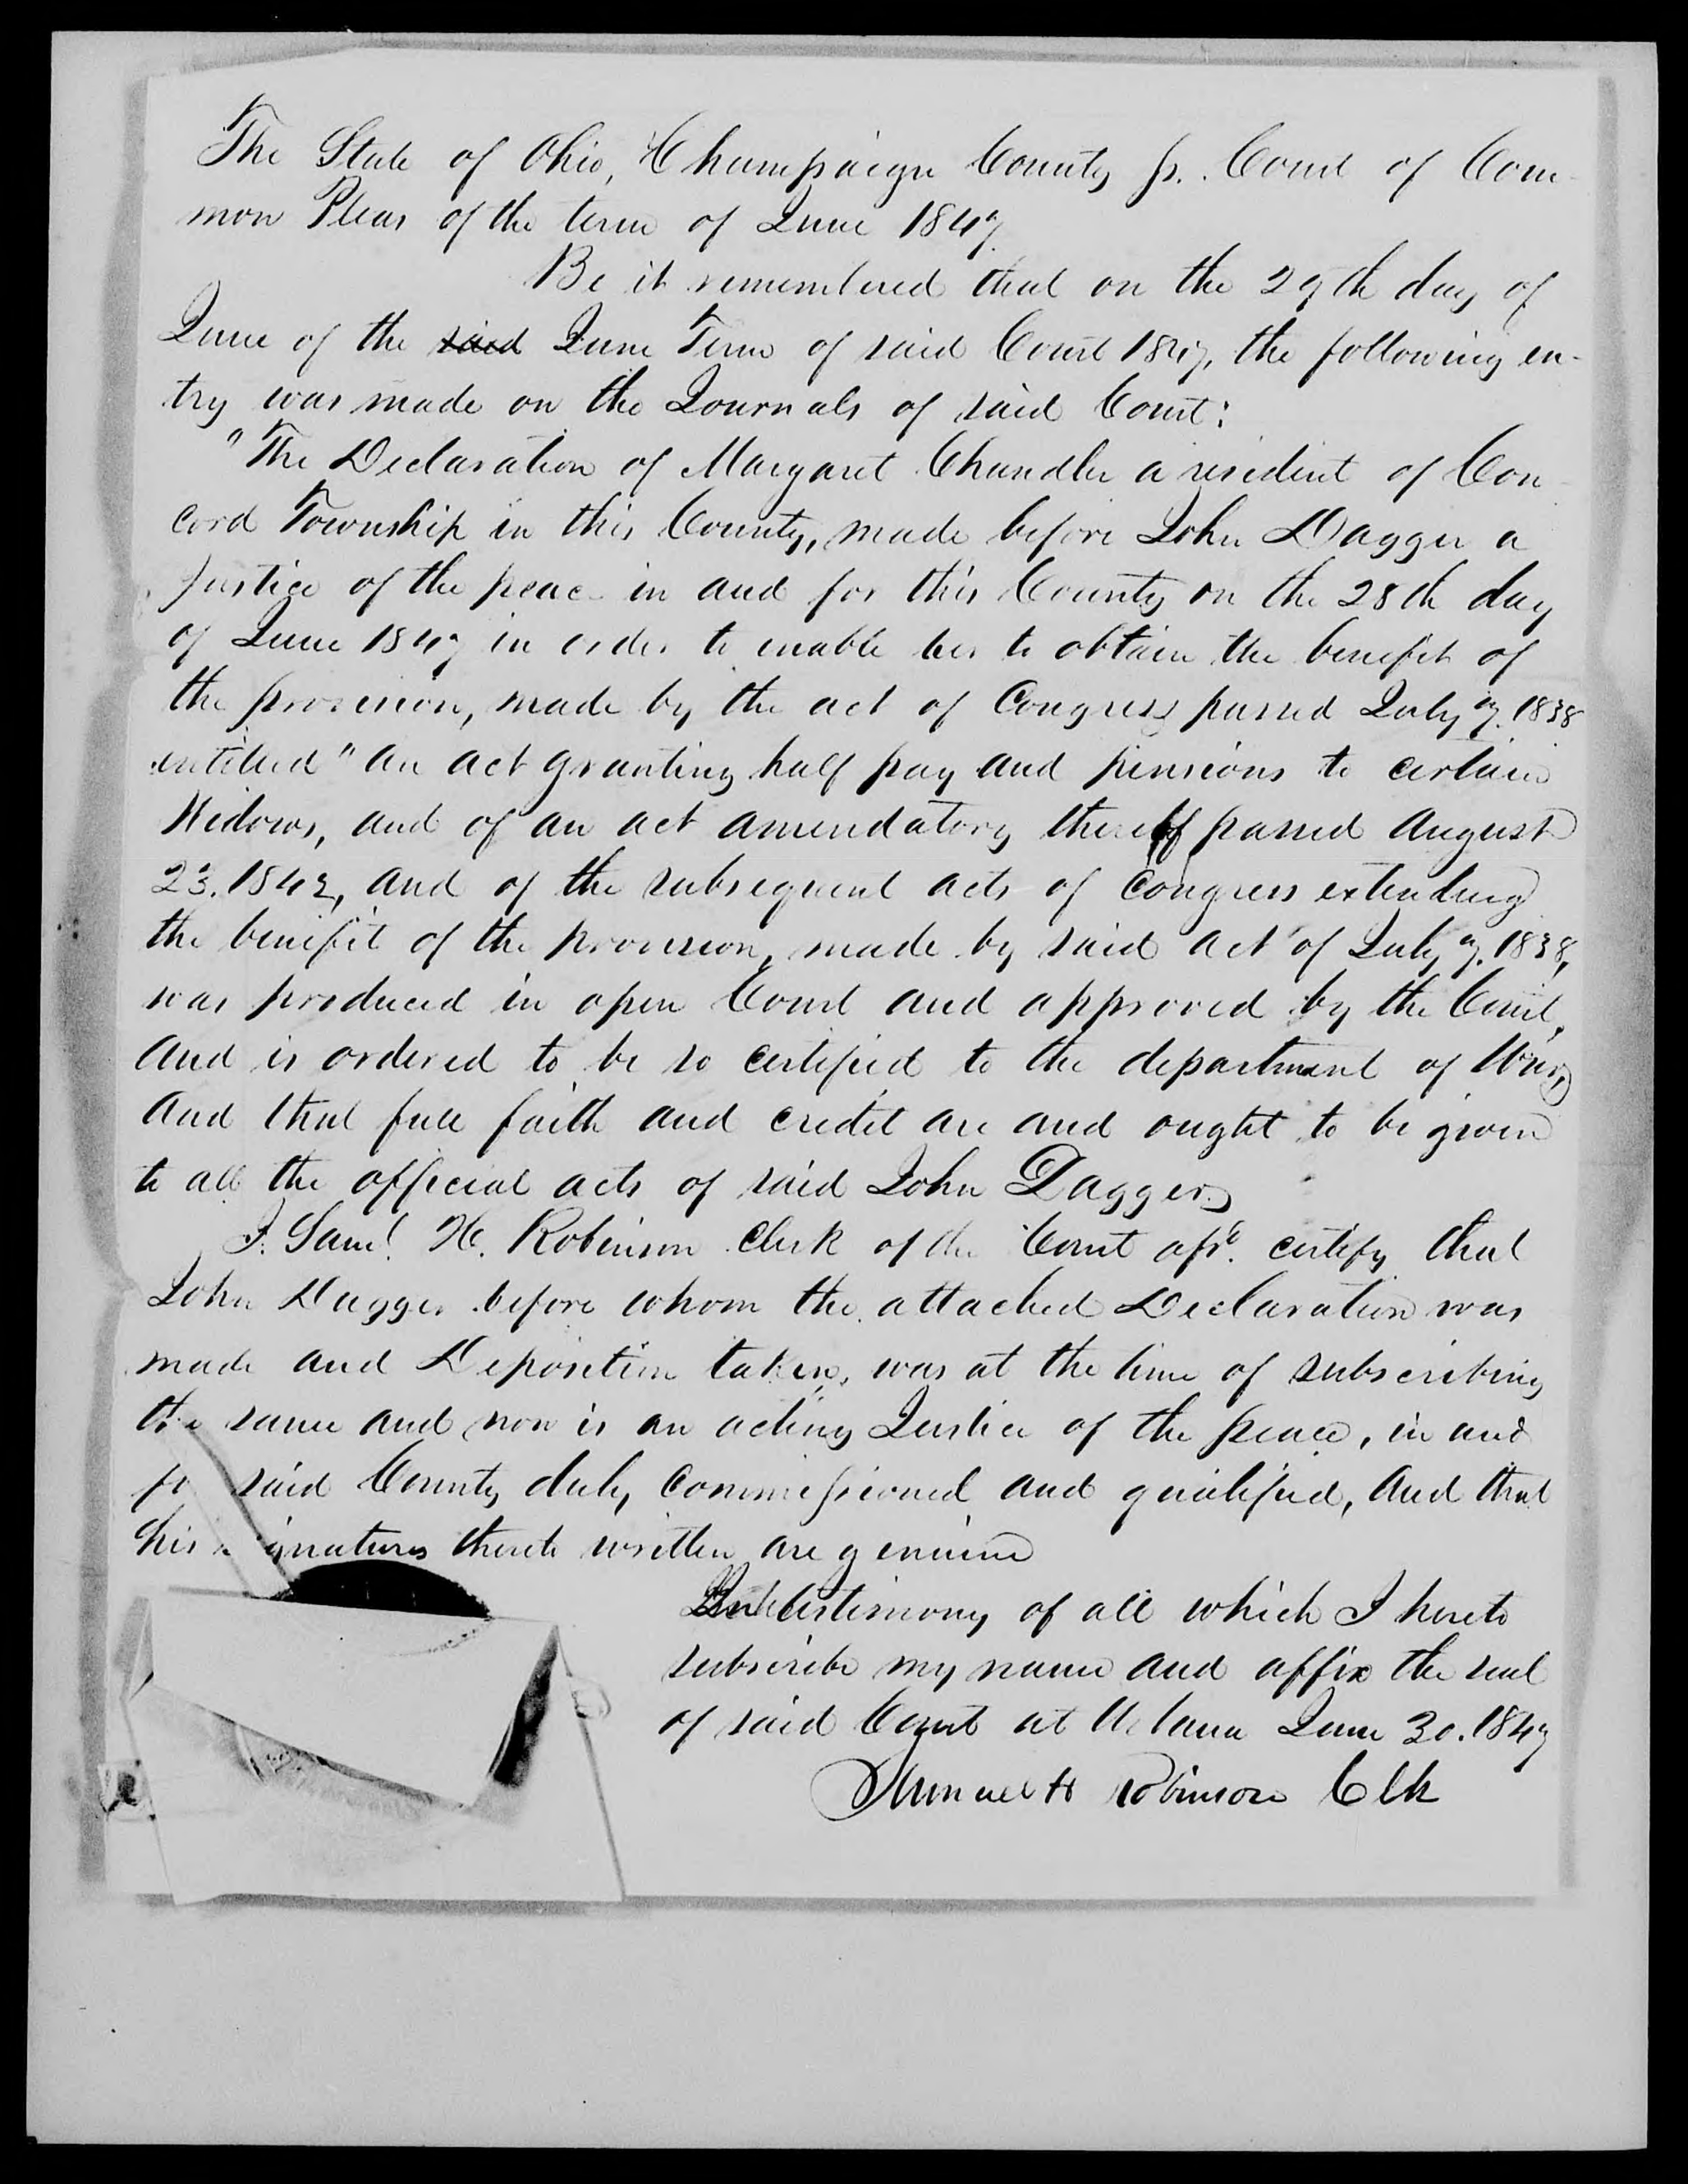The State of Ohio, Champaign County SS. Court of Common Pleas of the term of June 1847.
Be it remembered that on the 29th day of 
June of the June Term of said Court 1847, the following entry was made on the Journals of said Court
"The Declaration of Margaret Chandler a resident of Concord Township in this County, made before John Dagger a Justice of the Peace in and for this County on the 28th day of June 1847 in order to enable her to obtain the benefit of the provision, made by the act of Congress passed July 7, 1838 entitled "An Act granting half pay and pensions to certain Widows, and of an Act Amendatory thereof passed August 23, 1842, And of the subsequent Acts of Congress extending the benefit of the provisions made by said Act of July 7, 1838, was produced in open Court and approved by the Court, And is ordered to be certified to the department of War, And that full faith and credit are and ought to be given to all the official Acts of said John Dagger.
I, SAml. H. Robinson Clerk of the Court afsd. certify that John Dagger, before whom the attached Declaration was made and Deposition taken, was at the time of subscribing the same and now is an acting Justice of the Peace, in and for said County, duly Commissioned, and qualified, And that his signatures thereto written are genuine
In testimony of all which I hereto
subscribe my name and affix the seal
of said Court at Arlana June 30, 1847
Samuel H Robinson Clk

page: 7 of 86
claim: widow's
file: W. 6661, for George Purcell, Virginia